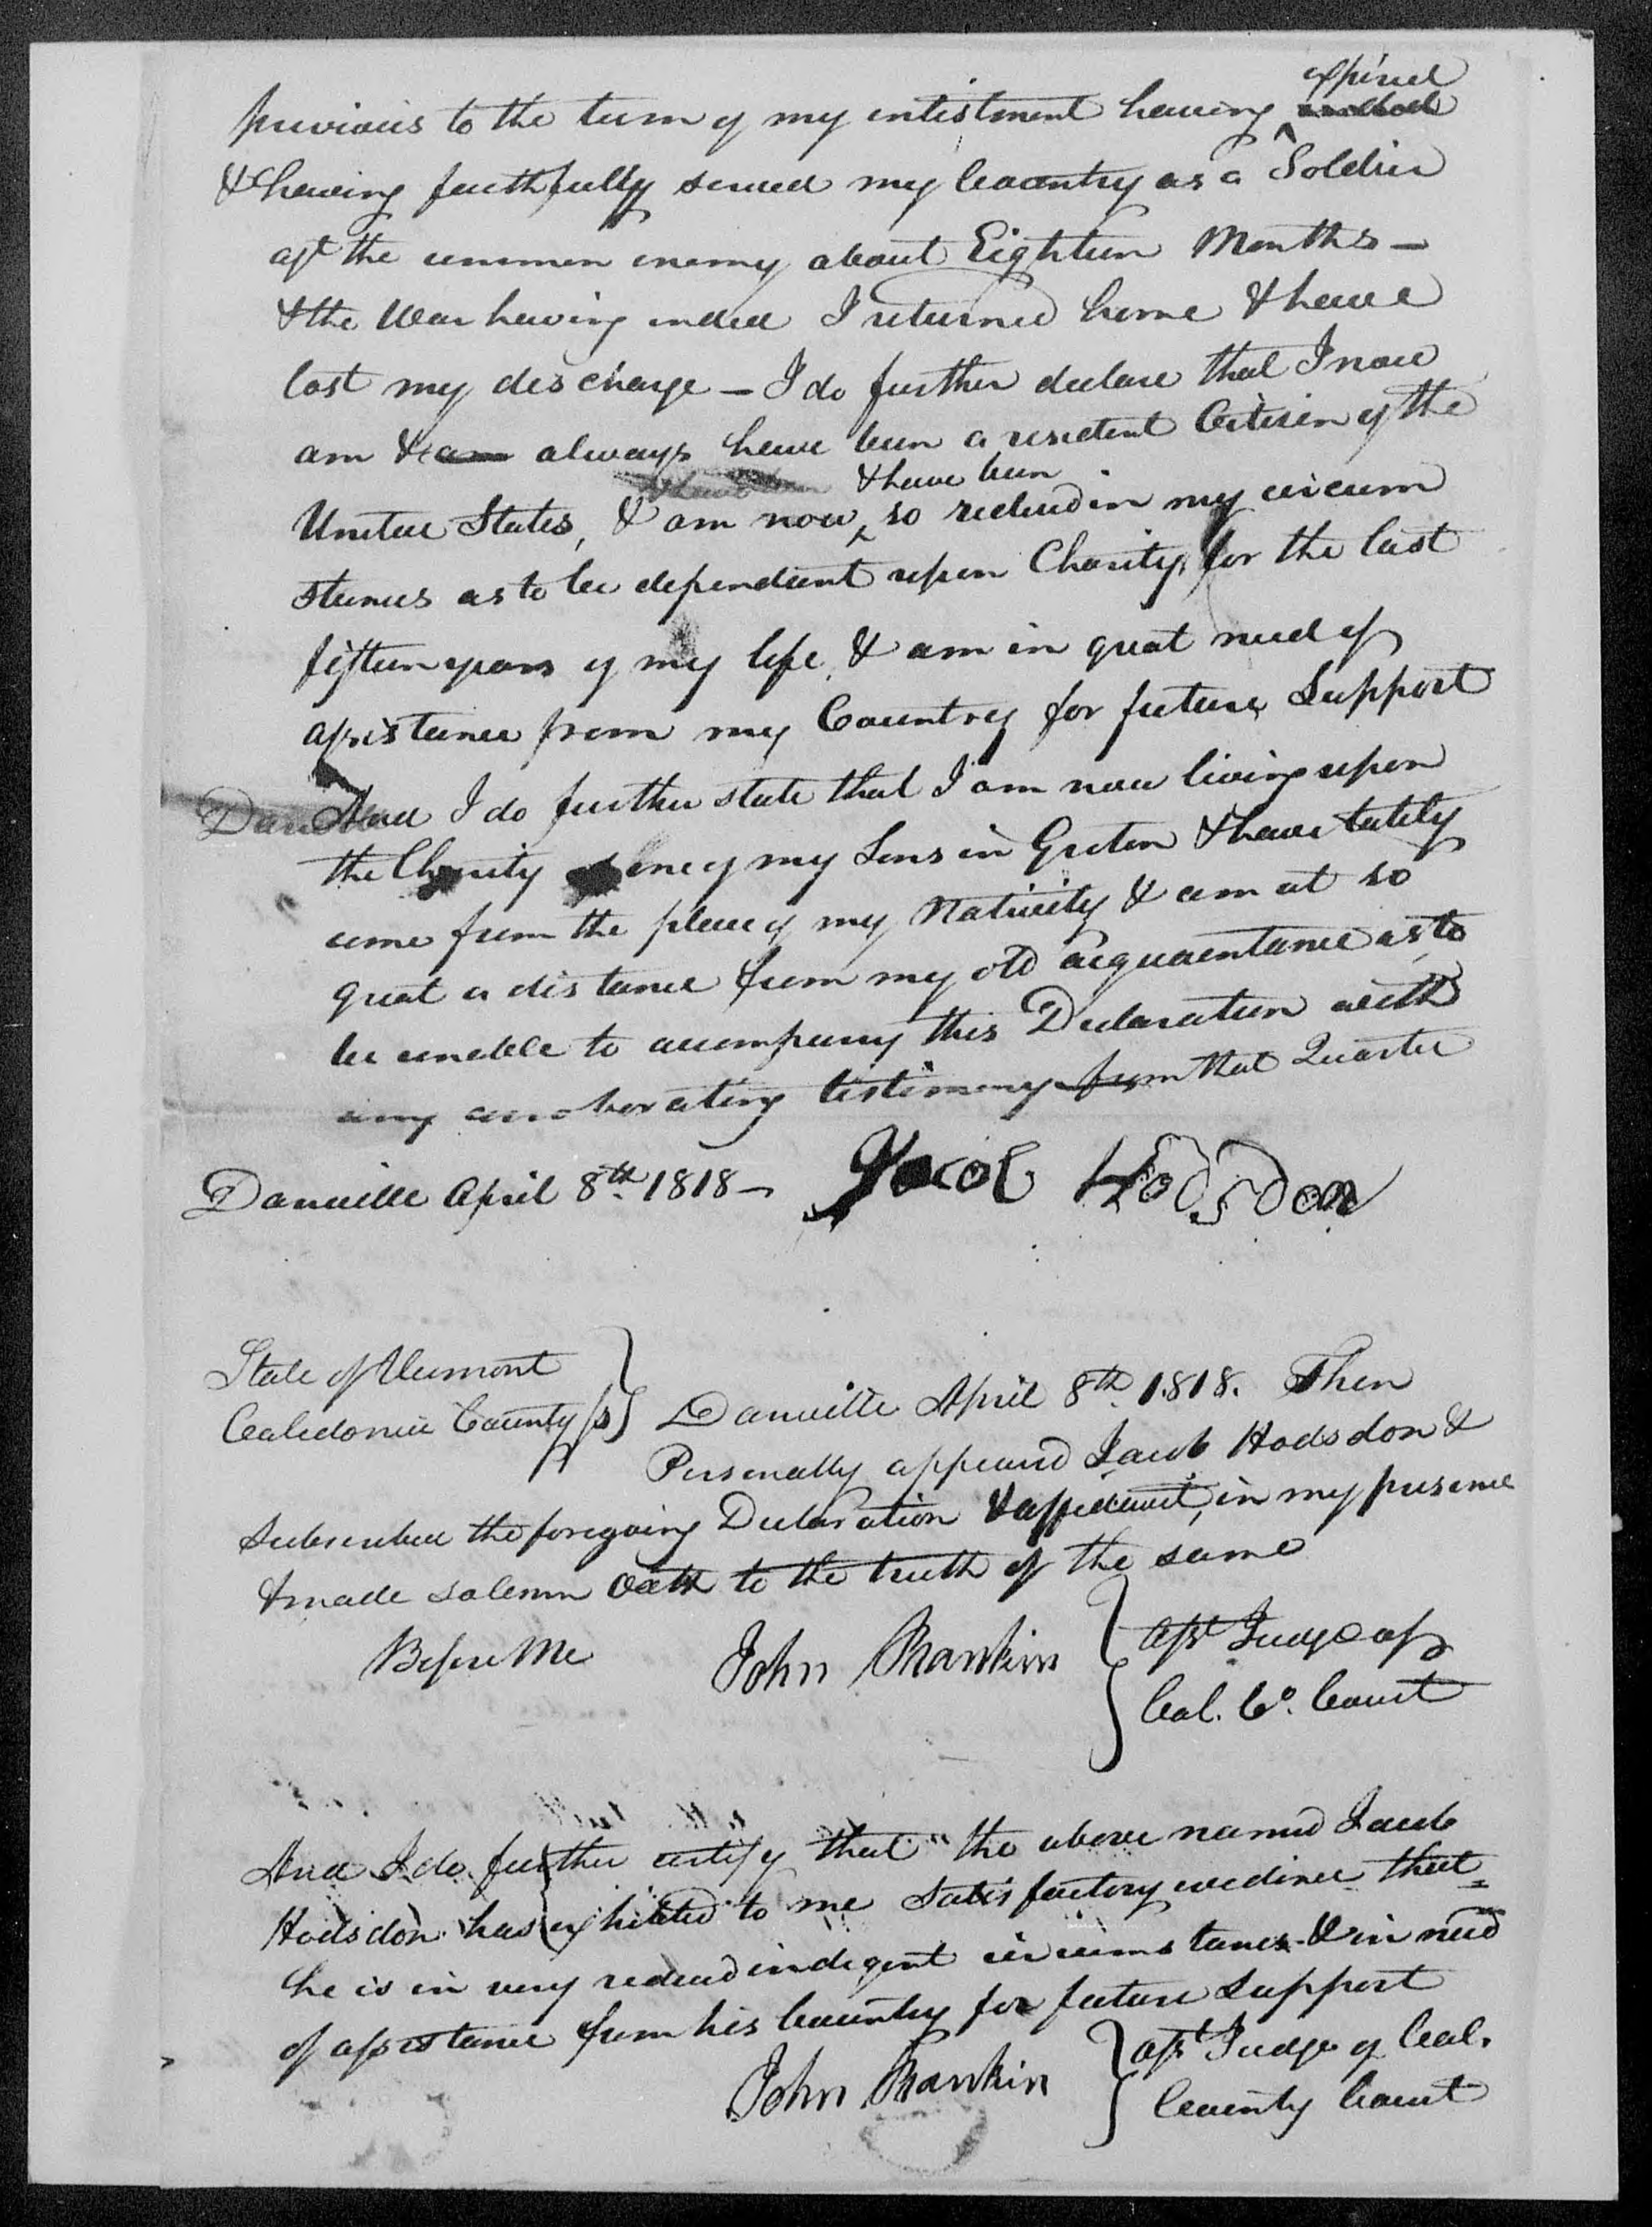previous to the term of my inlistment having expired & having faithfully served my Country as a Soldier agt the common enemy about Eighteen Months - & the war having ended I returned home & have lost my discharge - I do further declare that I now am & always have been a resident Citizen of the United States, & am now & have been so reduced in circumstances as to be dependant upon Charity for the last fifteen years of my life & am in great need of assistance from my Country for future support And I do further state that I am no living upon the Charity of one my sons in Groton & have lately come from the place of my Nativity & am at so great a distance from my old acquaintances to be unable to accompany this Declaration with any corroborating testimony from that Quarter
[signed] Jacob Hodsdon
Danuille April 8th. 1818 -

State of Vermont
Caledonia County Ss
Danville April 8th. 1818. 
Then Personally appeared Jacob Hodsdon & subscribed the foregoing Declaration & affidavit in my presence & made solemn oath to the truth of the same
Before Me
[signed] John Rankin
Asst Judge of Col. Co. Court

And I do further certify that the above named Jacob Hodsdon has exhibited to me satisfactory evidence that he in very reduced indigent circumstances & in need of assistance from his Country for further support
[signed] John Rankin
Asst Judge of Col. County Court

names: Jacob Hodsdon, John Rankin, Jacob Hodsdon, John Rankin, Jacob Hodsdon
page: 4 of 22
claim: survivor's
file: S 44445, Jacob Hodsdon, Mass.